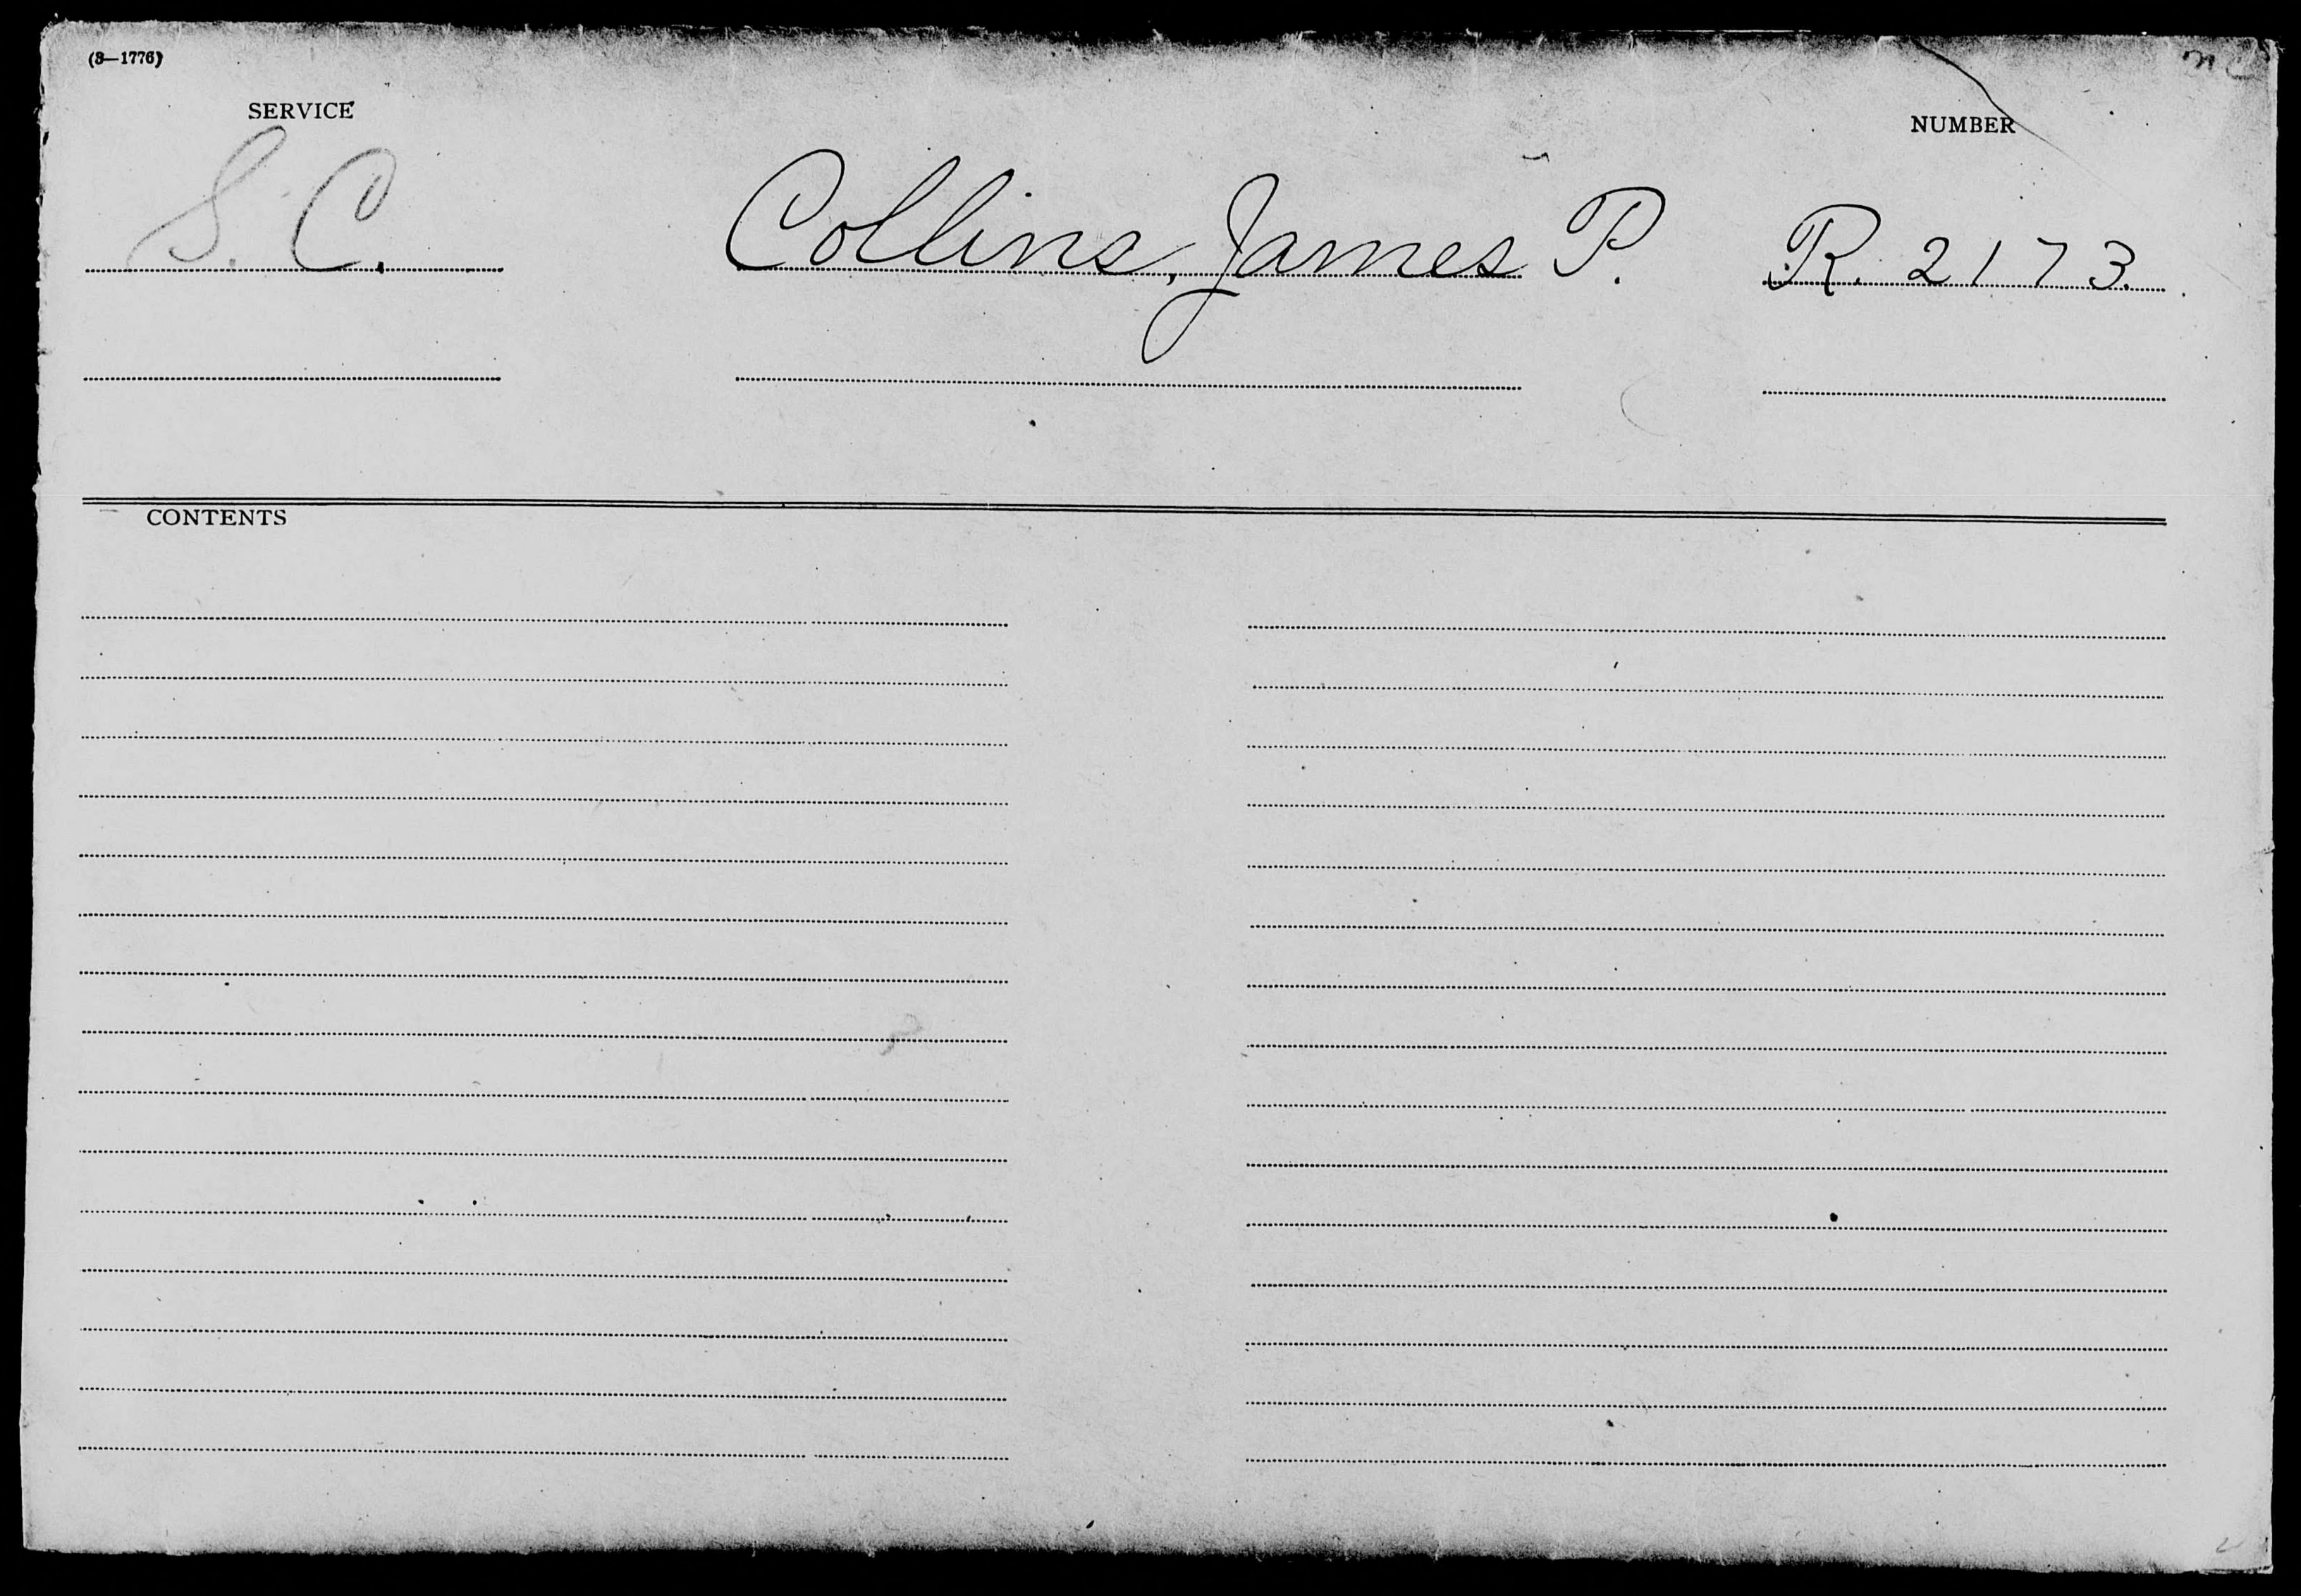(3 - 1776)
SERVICE
S.C.
Collins, James P.
NUMBER
R. 2173.
CONTENTS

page: 1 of 48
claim: rejected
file: R. 2173, James P Collins, S. C.